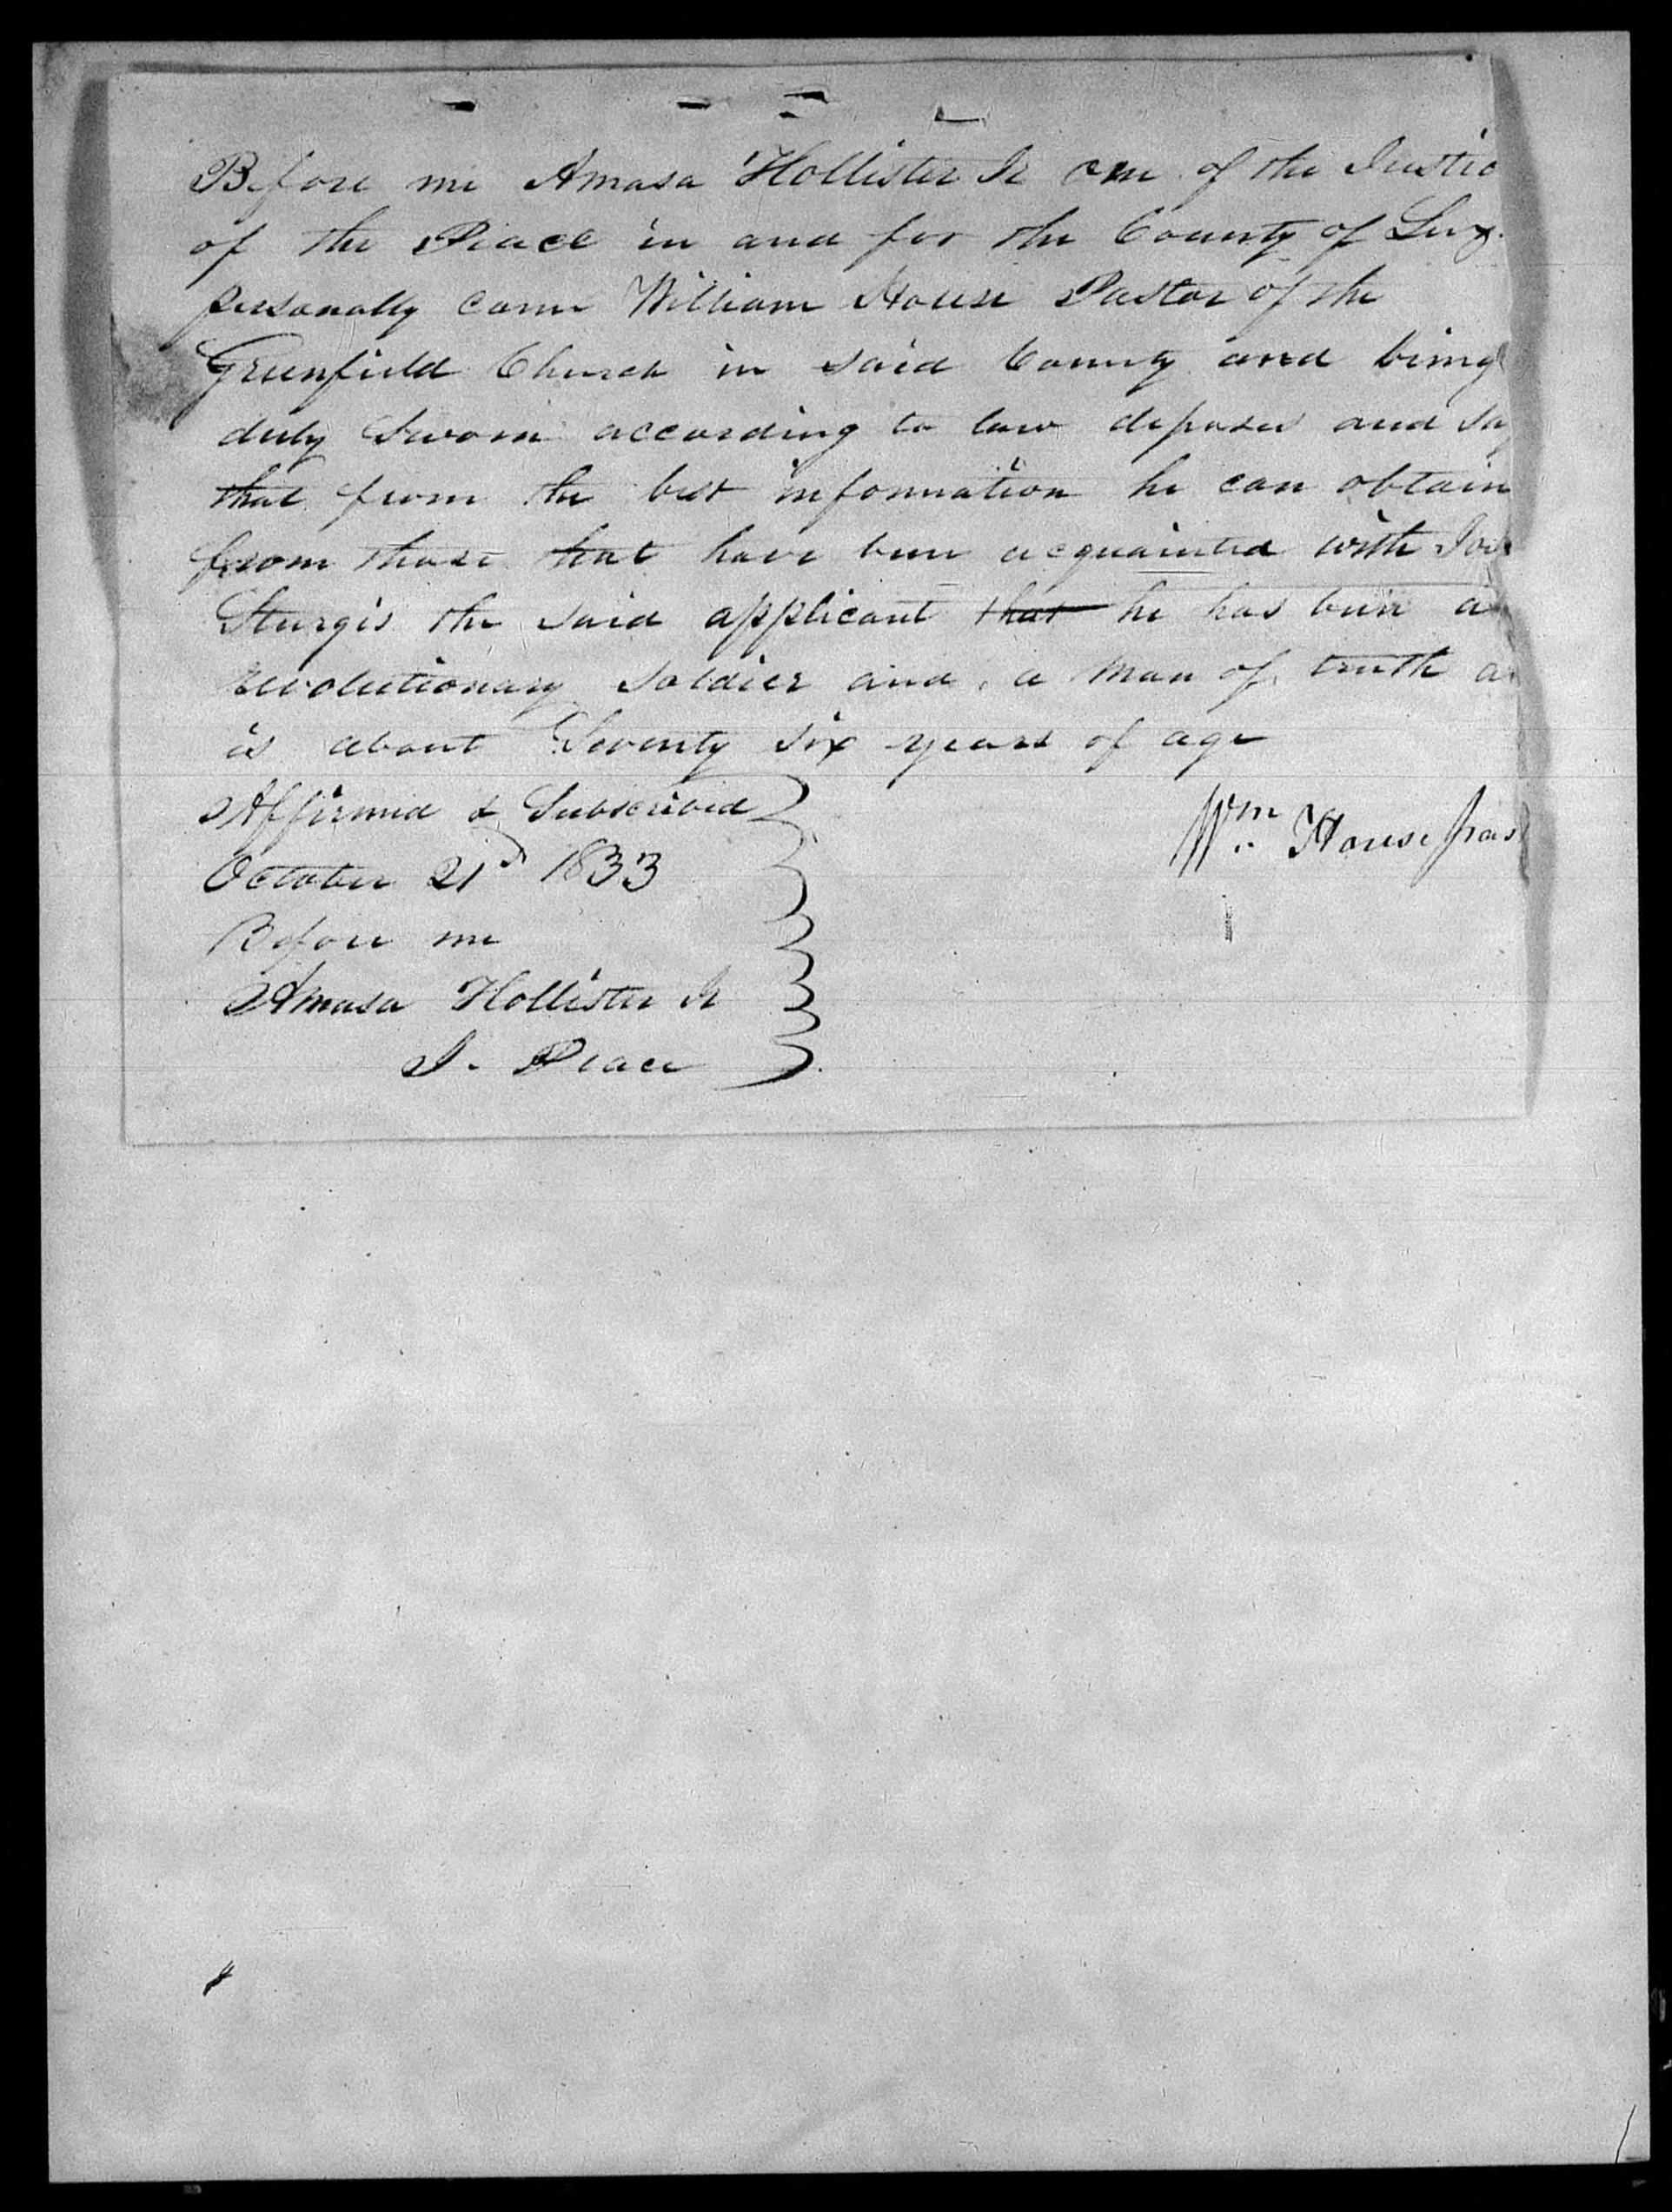Before me Amasa Hollister Jr one of the Justice of the Peace in and for the County of Luz.  personally came William House Pastor of the Greenfield Church in said County and being duly sworn according to law deposes and sayeth that from the best information he can obtain from those that have been acquainted with Joseph Sturgis the said applicant that he has been a Revolutionary soldier and a man of truth and is about Seventy six years of age   
William House Jr. Pastor    
Affirmed & Subscribed October 21st 1833 Before me            
Amasa Hollister Jr. J. Peace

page: 13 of 31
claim: survivor's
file: S. 6154, for Joseph Sturgis, Pennsylvania